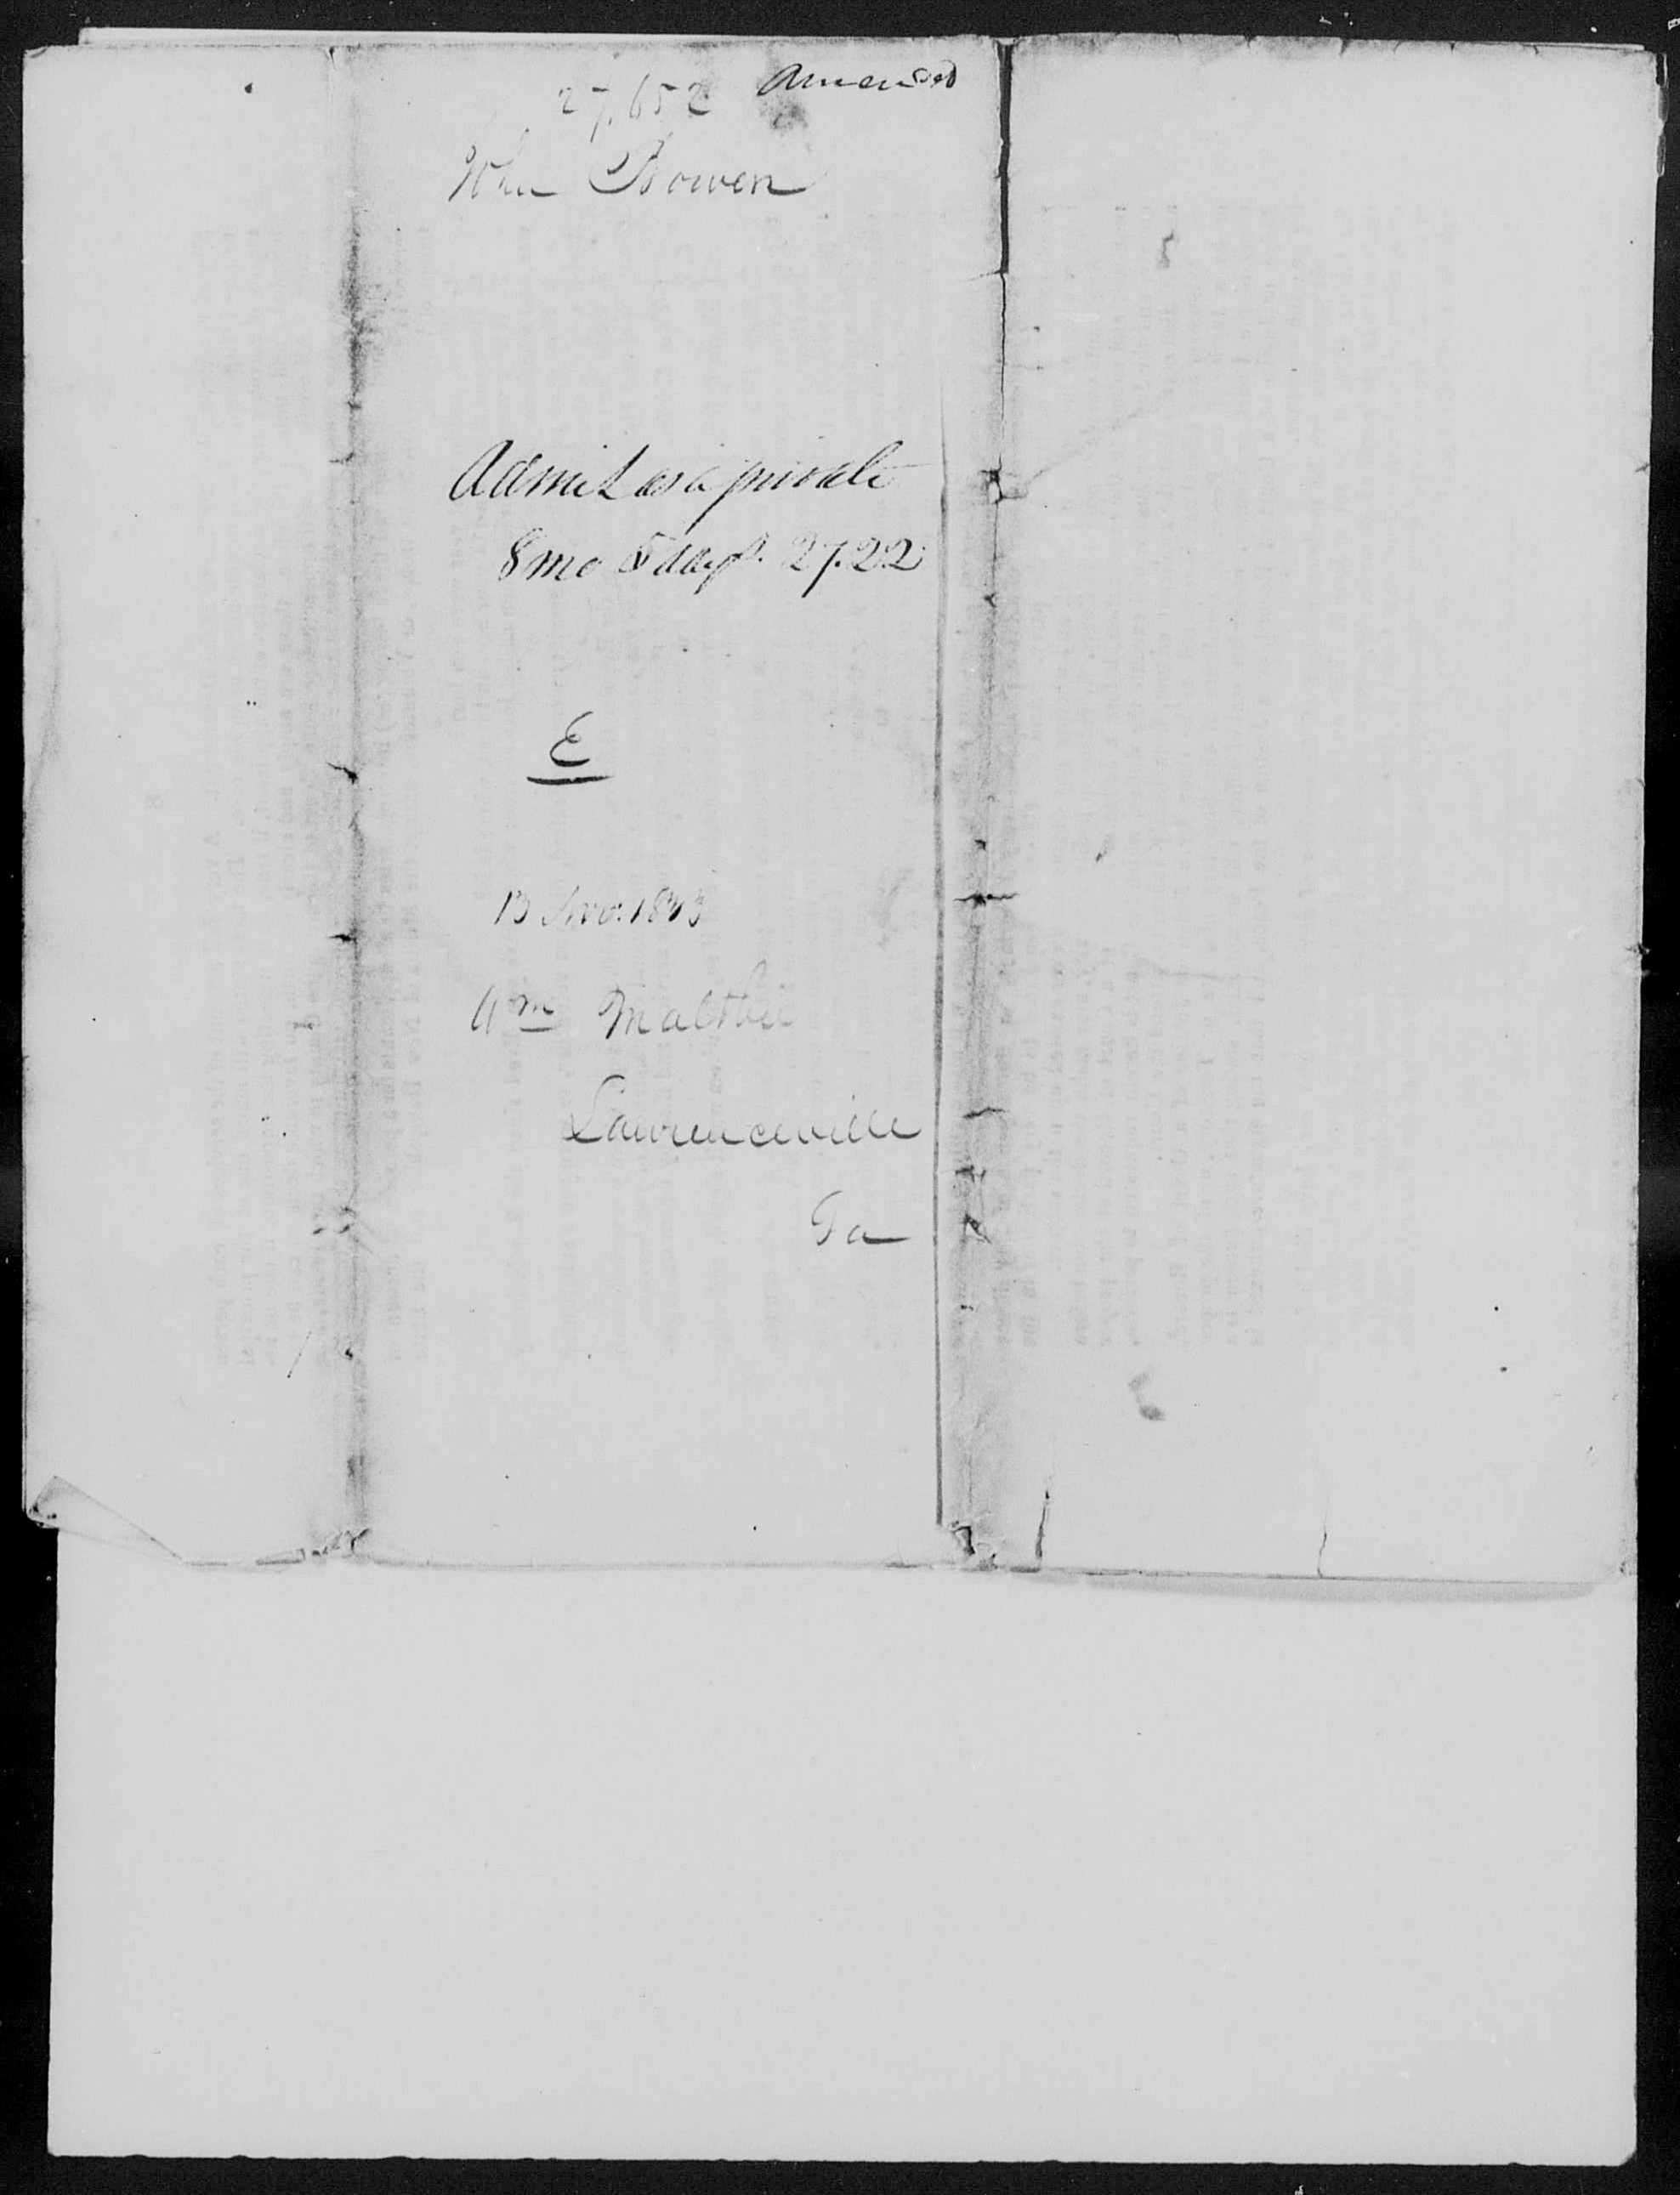27, 652      answered
Wm Bowen


Admitted as a private
8 mo 5 days. 27.2:2

&

13 Nov: 1833

Wm Maltbie

Lawrenceville

Ga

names: Wm Maltbie, John Bowen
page: 15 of 20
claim: survivor's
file: S. 32,124, John Bowen, Va.